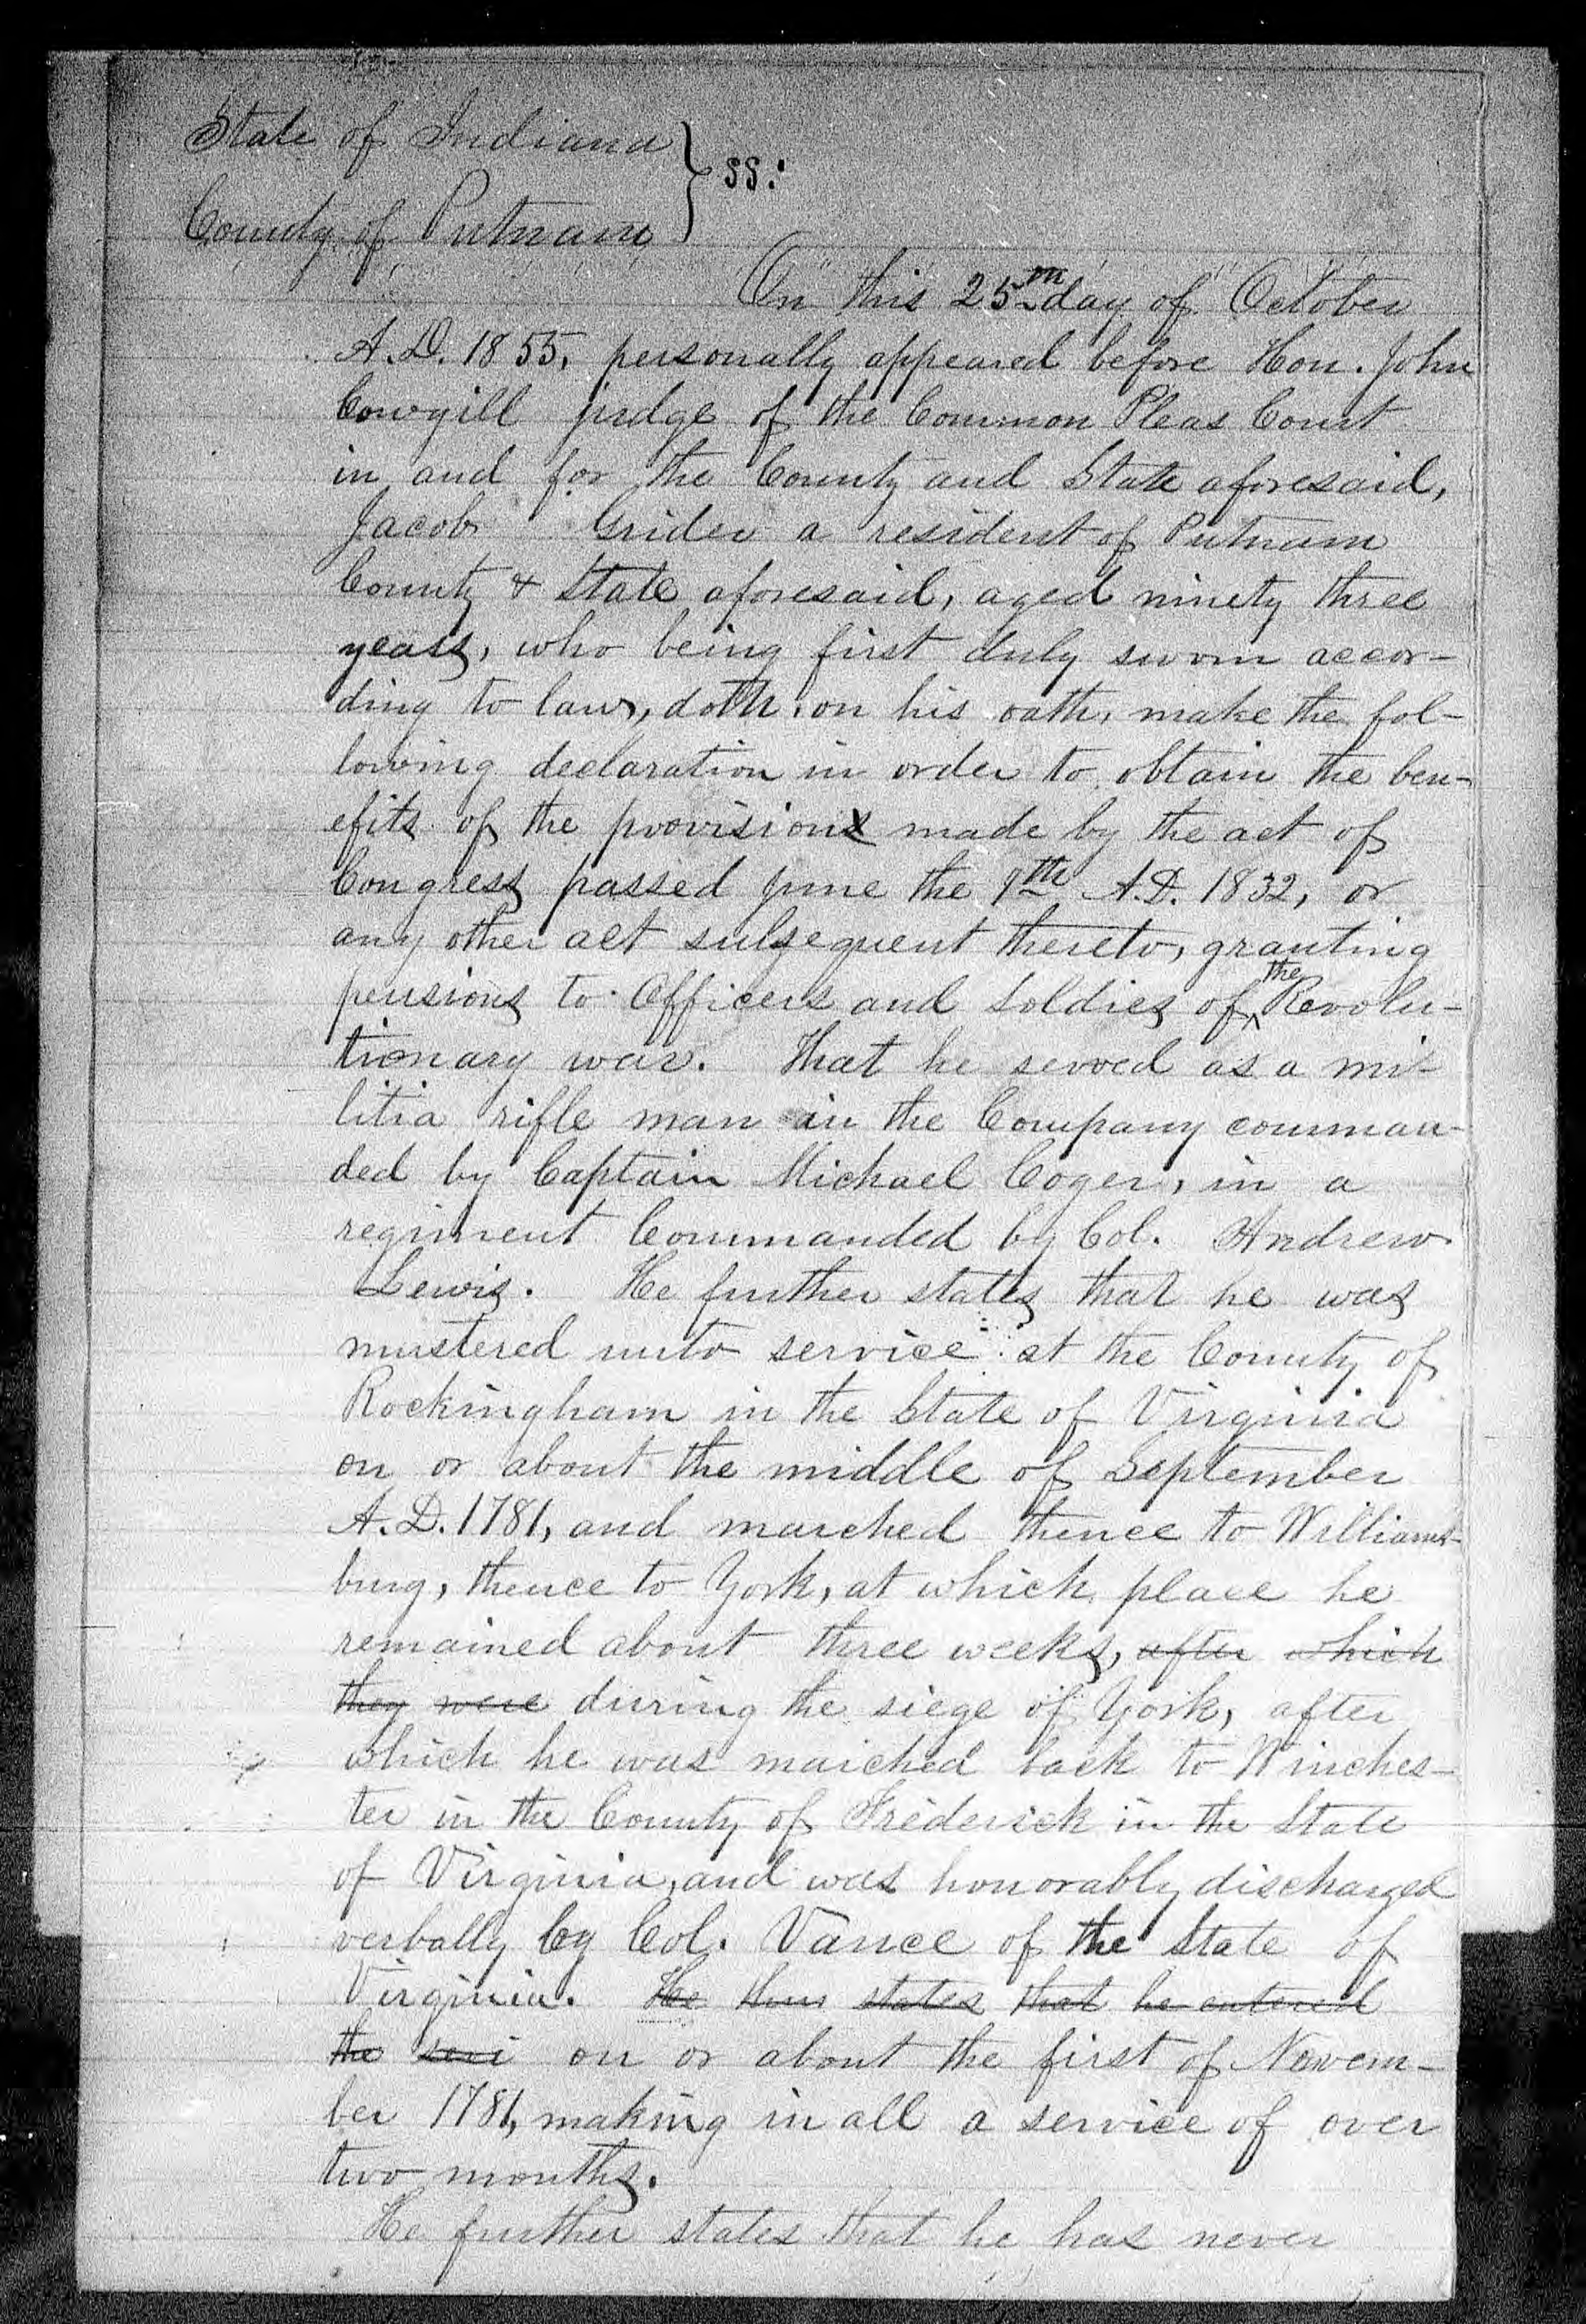State of Indiana
County of Putnam } SS:

On this 25th day of October A.D. 1855, personally appeared before Hon. John Cowgill judge of the Common Pleas Court in and for the County and State aforesaid, Jacob Grider a resident of Putnam County & State aforesaid, aged ninety three years, who being first duly sworn according to law, doth on his oath, made the following declaration in order to obtain the benefits of the provisions made by the act of Congress passed June 7th A.D. 1832, or any other act subsequent thereto, granting pensions to Officers and Soldiers of the Revolutionary war. That he served as a militia rifle man in the Company commanded by Captain Michael Coger, in a regiment Commanded by Col. Andrew Lewis. He further states that he was mustered unto service at the County of Rockingham in the State of Virginia on or about the middle of September A.D. 1781, and marched thence to Williamsburg, thence to York, at which place he remained about three weeks, [struck through: "after which they were"] during the siege of York, after which he was marched back to Winchester in the County of Frederick in the State of Virginia, and was honorably discharged verbally by Col. Vance of the State of Virginia. [struck through: "He then states that he entered the serv"] on or about the first of November 1781, making in all a service of over two months. 
He further states that he has never
[end of page]
[continued next page]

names: Vance, Michael Coger, Jacob Grider, Andrew Lewis, John Cowgill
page: 9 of 10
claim: rejected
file: R. 4302, Jacob Grider, Va